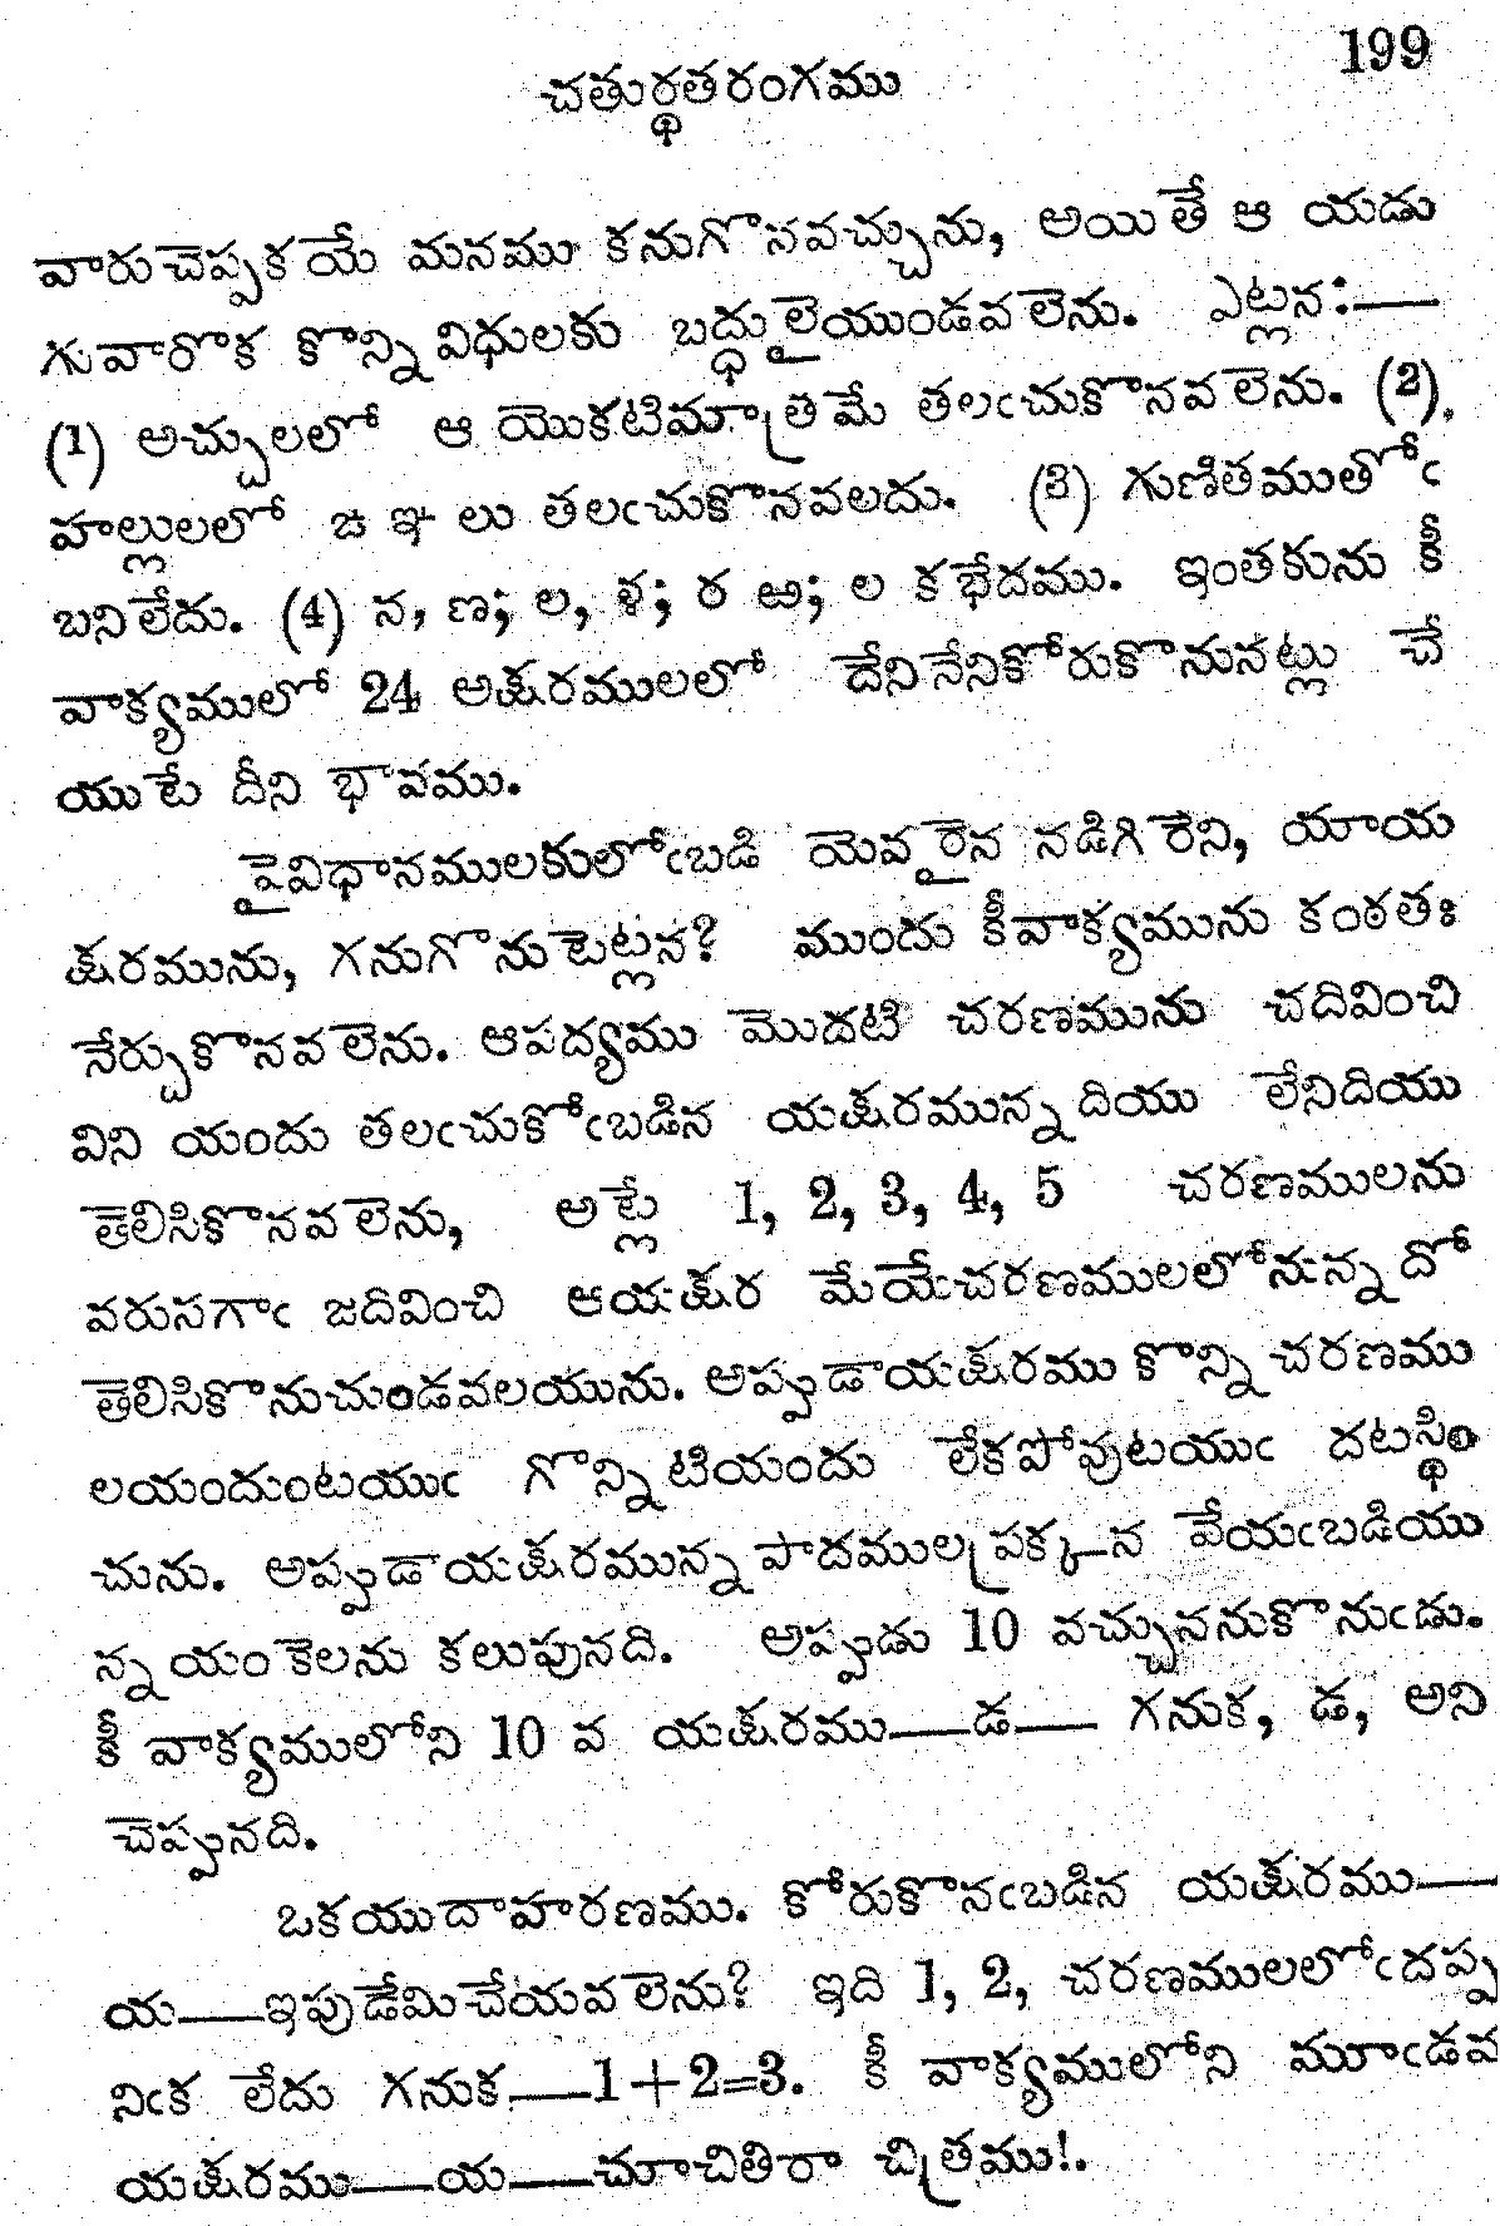వారు చెప్పకయే మనము కనుగొనవచ్చును. అయితే ఆ యడుగువారొక కొన్నివిధులకు బద్ధులై యుండవలెను. ఎట్లన:— (1) అచ్చులలో ఆ యొకటిమాత్రమే తలఁచుకొనవలెను. (2) హల్లులలో ఙ, ఞ లు తలఁచుకొనవలదు. (3) గుణితముతోఁ బనిలేదు. (4) న, ణ; ల,ళ; ర,ఱ; ల కభేదము. ఇంతకును కీ వాక్యములో 24 అక్షరములలో దేనినేని కోరుకొనునట్లు చేయుటే దీని భావము.

పైవిధానమునకు లోఁబడి యెవరైన నడిగిరేని, యాయక్షరమును గనుగొనుటెట్లన — ముందు కీ వాక్యమును కంఠతః నేర్చుకొనవలెను. ఆపద్యము మొదటిచరణమును చదివించి విని యందు తలఁచుకోఁబడిన యక్షర మున్నదియు లేనిదియు తెలిసికొనవలెను. అట్లే 1,2,3,4,5 చరణములను వరుసగాఁ జదివించి ఆయక్షర మేయేచరణములలో నున్నదో తెలిసికొనుచుండవలయును. అప్పు డాయక్షరము కొన్నిచరణములం దుంటయుఁ గొన్నిటియందు లేకపోవుటయుఁ దటస్థించును. అప్పు డాయక్షరమున్న పాదములప్రక్కన వేయఁబడియున్నయంకెలను కలుపునది. అప్పుడు 10 వచ్చుననుకొనుఁడు. కీ వాక్యములోని 10వ యక్షరము —డ—గనుక, డ యని చెప్పునది.

ఒకయుదాహరణము. కోరుకొనఁబడిన యక్షరము—య—ఇపుడేమి చేయవలెను? ఇది 1,2 చరణములలోఁ దప్ప నిఁక లేదు గనుక—1+2=3. కీ వాక్యములోని మూఁడవ యక్షరము—య—చూచితిరా చిత్రము!